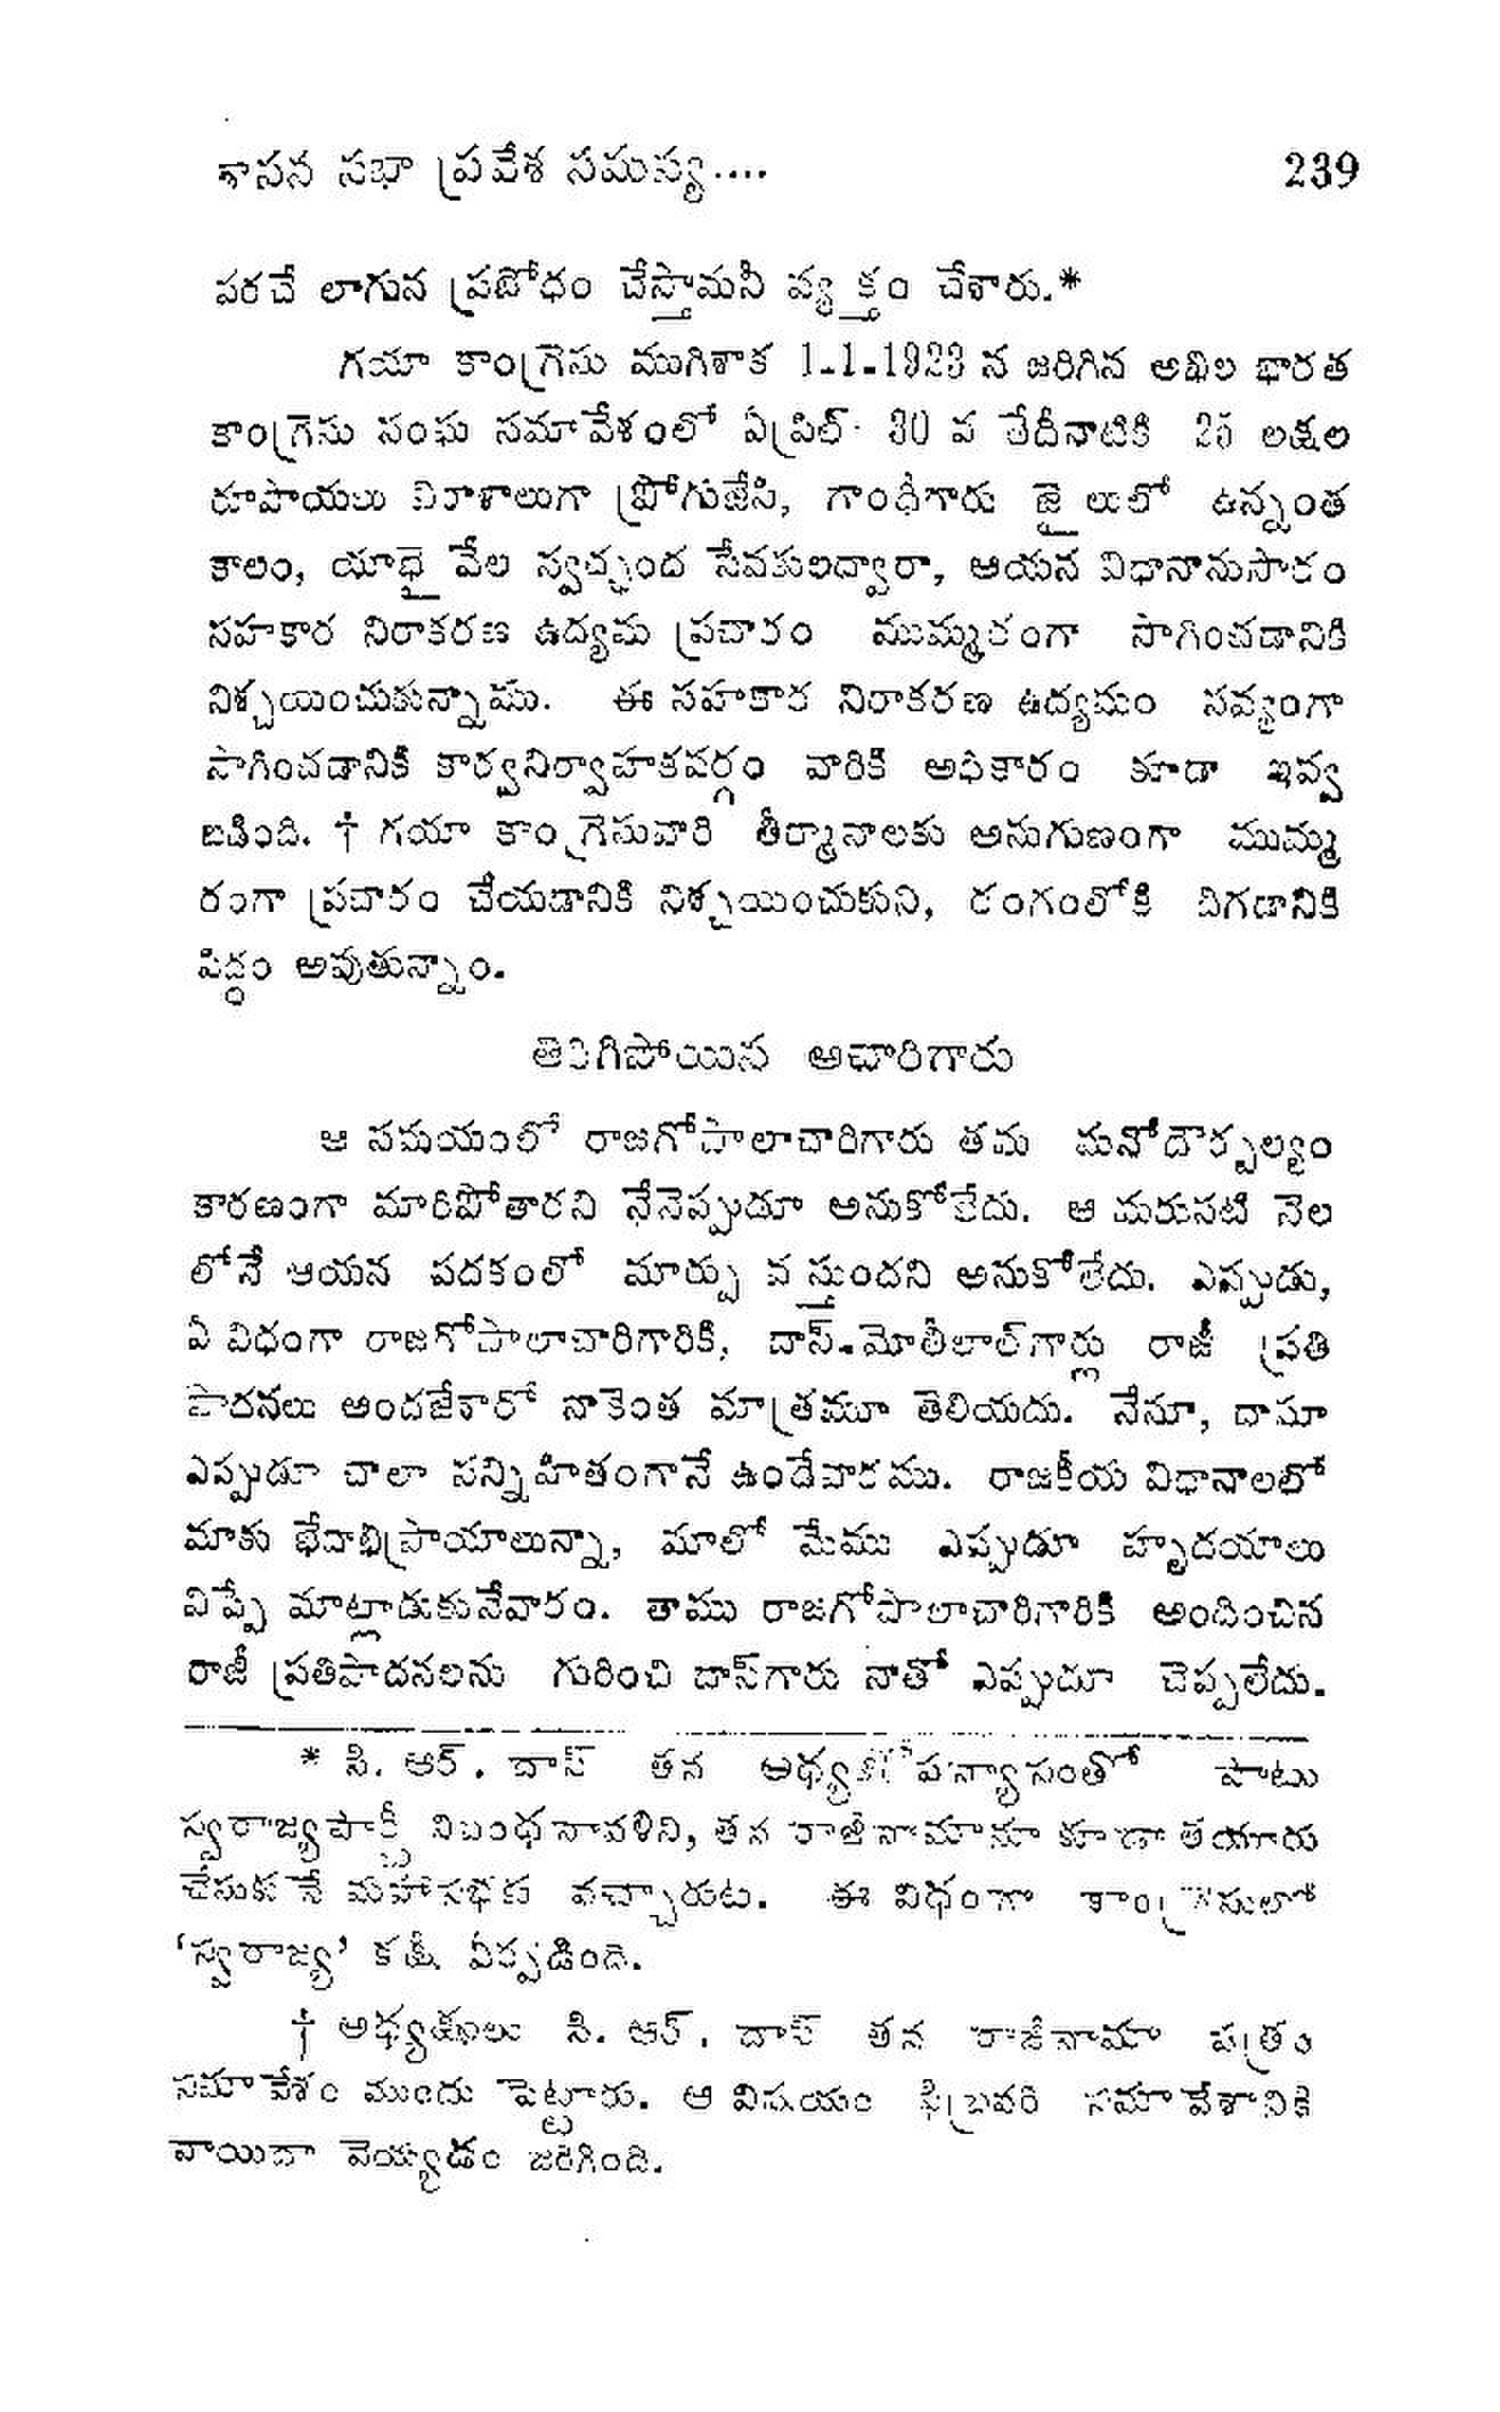పరచే లాగున ప్రబోదం చేస్తామనీ వ్యక్తం చేశారు.

గయా కాంగ్రెసు ముగిశాక 1-1-1923 న జరిగిన అఖిల భారత కాంగ్రెసు సంఘ సమావేశంలో ఏప్రిల్ 30 వ తేదీనాటికి 25 లక్షల రూపాయలు విరాళాలుగా ప్రోగుజేసి, గాంధీగారు జైలులో ఉన్నంతకాలం, యాబైవేల స్వచ్చంద సేవకులద్వారా, ఆయన విధానానుసారం సహకార నిరాకరణ ఉధ్యమ ప్రచారం ముమ్మరంగా సాగించడానికి నిశ్చయించుకున్నాము. ఈ సహకార నిరాకరణ ఉద్యమం సవ్యంగా సాగించడానికి కార్యనిర్వాహకవర్గం వారికి అధికారం కూడా ఇవ్వబడింది. గయా కాంగ్రెసువారి తీర్మానాలకు అనుగుణంగా ముమ్మరంగా ప్రచారం చేయడానికి నిశ్చయించుకుని, రంగంలోకి దిగడానికి సిద్దం అవుతున్నాం.

ఆ సమయంలో రాజగోపాలాచారిగారు తమ మనోదౌర్సల్యం కారణంగా మారిపోతారని నేనెప్పుడూ అనుకోలేదు. ఆ మరుసటి నెలలోనే ఆయన పదకంలో మార్పు వస్తుందని అనుకోలేదు. ఎప్పుడు, ఏ విధంగా రాజగోపాలాచారిగారికి, దాస్-మోతిలాల్‌గార్లు రాజీ ప్రతిపాదనలు అందజేశారో నాకెంత మాత్రమూ తెలియదు. నేనూ, దాసూ ఎప్పుడూ చాలా సన్నిహితంగానే ఉండేవారము. రాజకీయ విధానాలలో మాకు భేదాబిప్రాయాలున్నా, మాలో మేము ఎప్పుడూ హృదయాలు విప్పే మాట్లాడుకునేవారం. తాము రాజగోపాలాచారిగారికి అందించిన రాజీ ప్రతిపాదనలను గురించి దాస్‌గారు నాతో ఎప్పుడూ చెప్పలేదు.